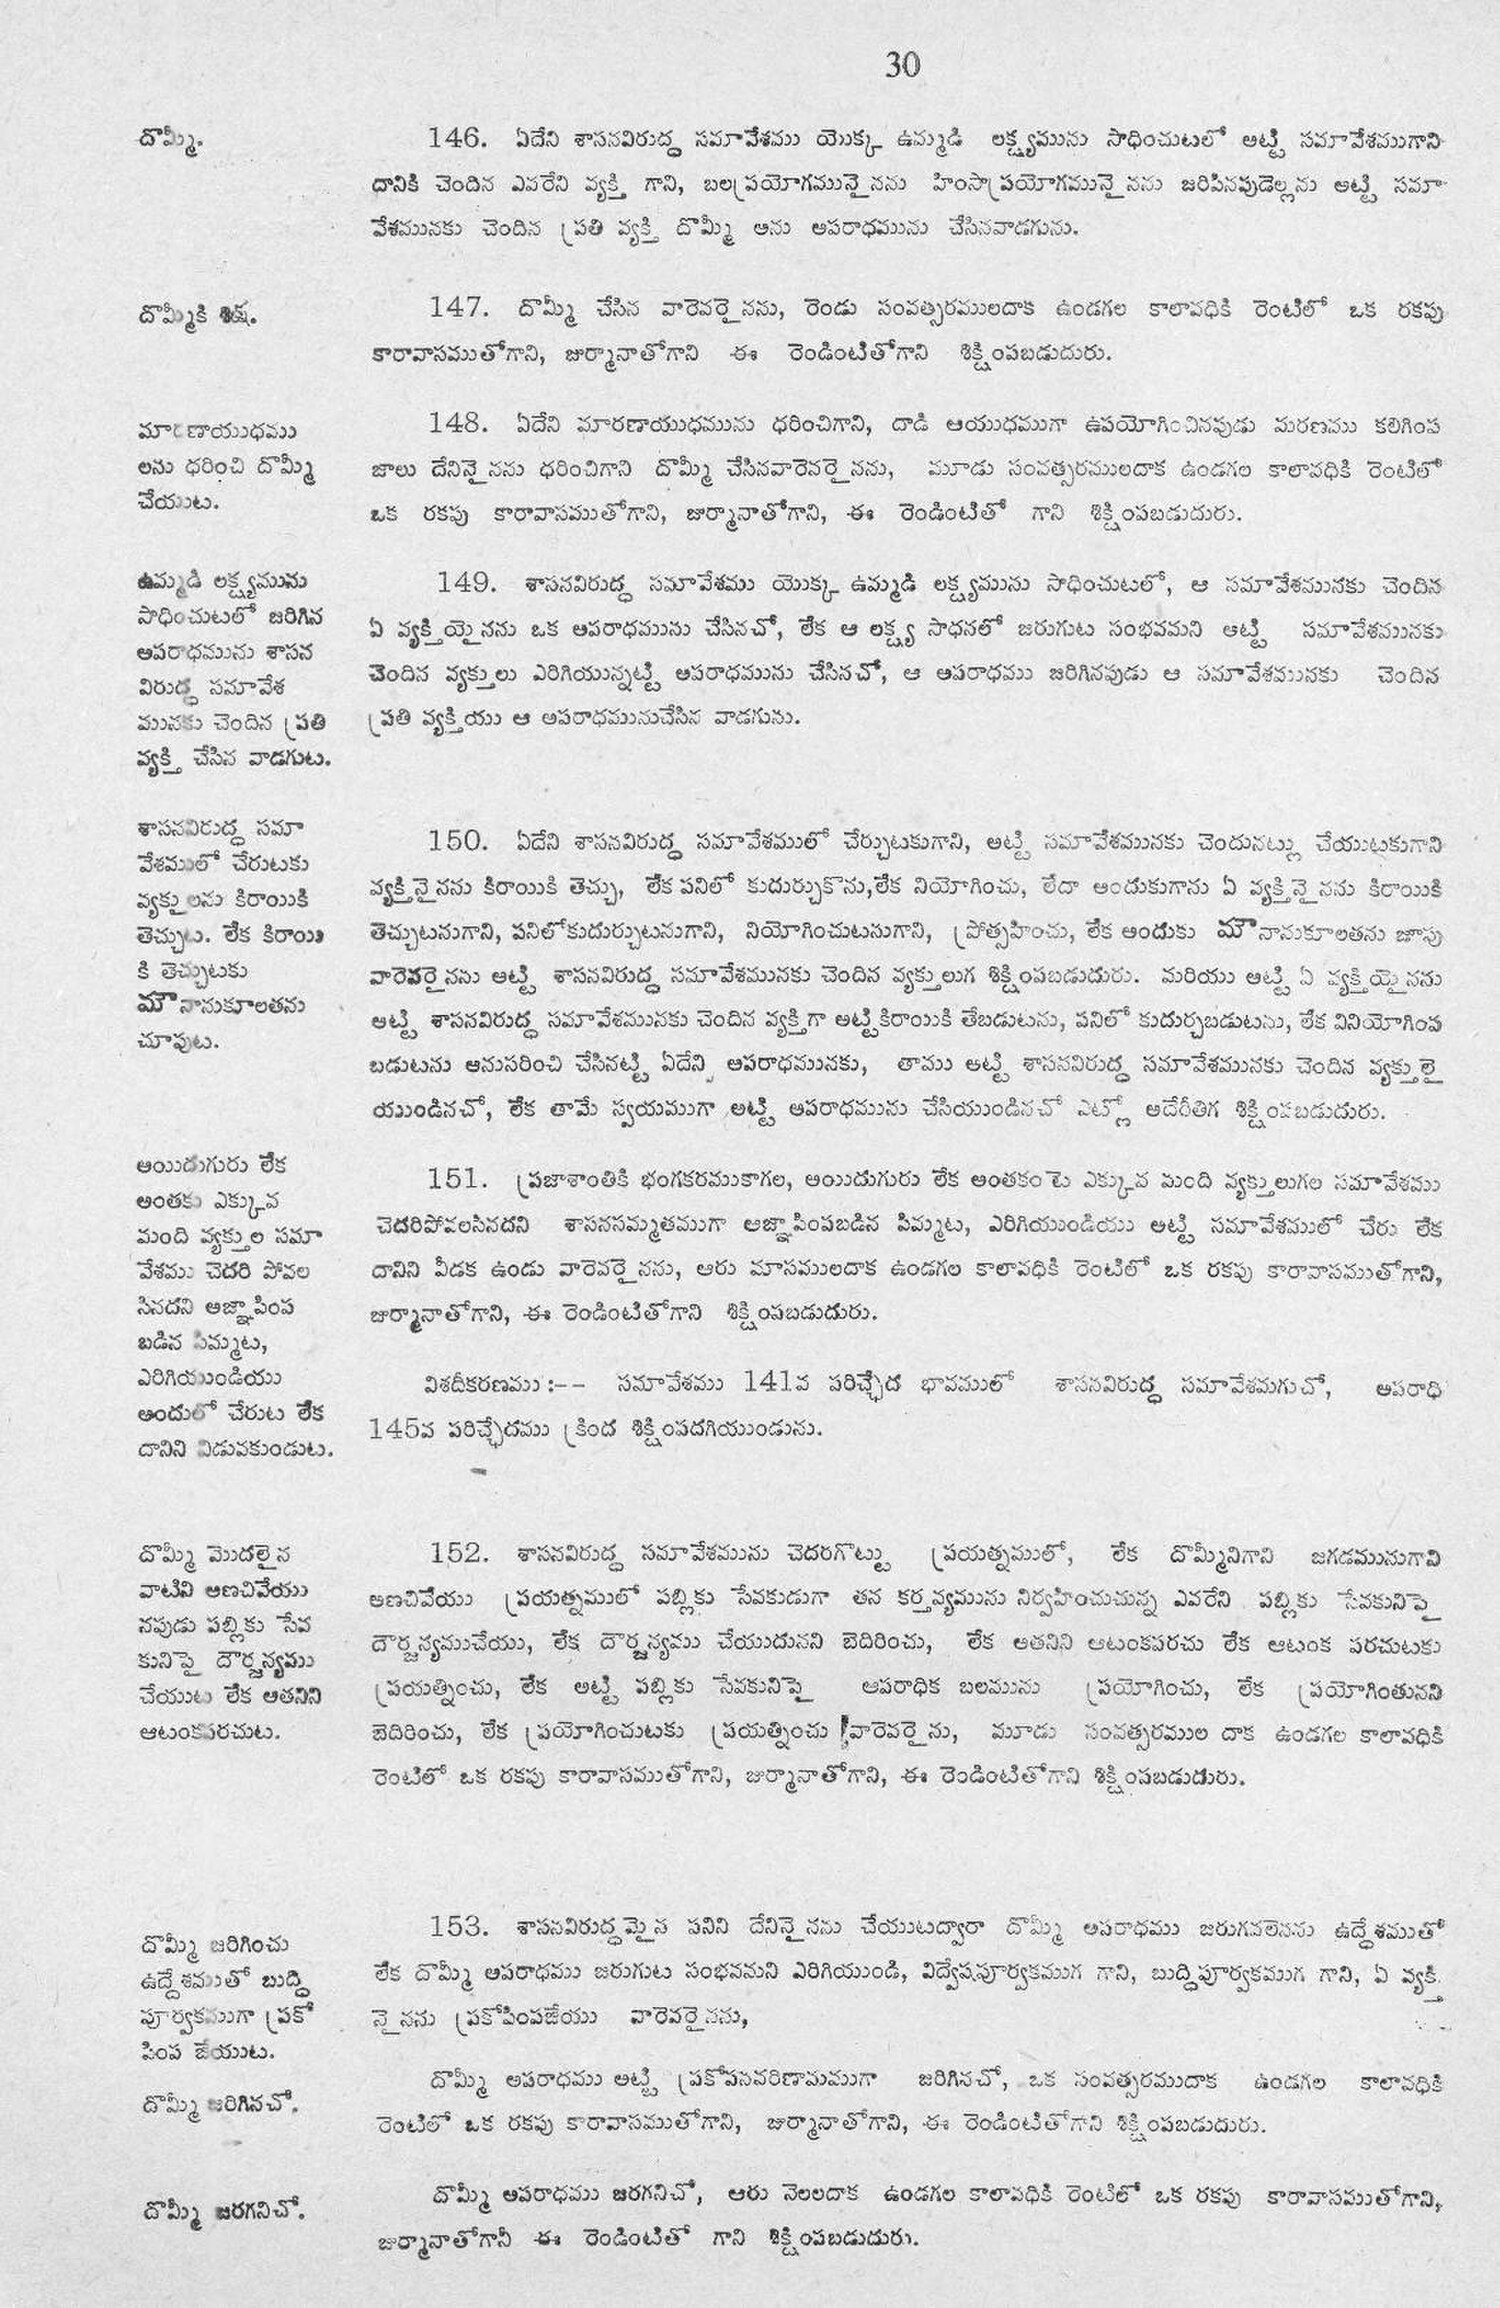దొమ్మీ,

146. ఏదీని శాసనవిరుద్ధ సమావేశము యొక్క ఉమ్మడి లక్ష్యమును సాధించుటలో అట్టి సమావేశముగాని దానికి చెందిన ఎవరేని వ్యక్తి గాని, బలప్రయోగమునైనను హింసా ప్రయోగమునైనను జరిపినపుడెల్లను అట్టి సమావేశమునకు చెందిన ప్రతి వ్యక్తి దొమ్మీ అను అపరాధమును చేసినవాడగును.

దొమ్మీకి శిక్ష.

147. దొమ్మీ చేసిన వారెవరైనను, రెండు సంవత్సరములదాక ఉండగల కాలావధికి రెంటిలో ఒక రకపు కారావాసముతోగాని, జుర్మానాతోగాని ఈ రెండింటితోగాని శిక్షింపబడుదురు.

మారణాయుధములను ధరించి దొమ్మీ చేయుట.

148. ఏదేని మారణాయుధమును ధరించిగాని, దాడి ఆయుధముగా ఉపయోగించినపుడు మరణము కలిగింపజాలు దేనినైనను ధరించిగాని దొమ్మీ చేసినవారెనరైనను, మూడు సంవత్సరములదాక ఉండగల కాలావధికి రెంటిలో ఒక రకపు కారావాసముతో గాని, జుర్మానాతోగాని, ఈ రెండింటితో గాని శిక్షింపబడుదురు.

ఉమ్మడి లక్ష్యమును సాధించుటలో జరిగిన అపరాధమును శాసనవిరుద్ద సమావేశమునకు చెందిన ప్రతివ్యక్తి చేసిన వాడగుట.

149. శాసనవిరుద్ధ సమావేశము యొక్క ఉమ్మడి లక్ష్యమును సాధించుటలో, ఆ సమావేశమునకు చెందిన ఏ వ్యక్తి యైనను ఒక ఆపరాధమును చేసినచో, లేక ఆ లక్ష్య సాధనలో జరుగుట సంభవమని ఆట్టి సమావేశమునకు చెందిన వ్యక్తులు ఎరిగియున్నట్టి అపరాధమును చేసినచో, ఆ ఆపరాధము జరిగినపుడు ఆ సమావేశమునకు చెందిన ప్రతి వ్యక్తియు ఆ ఆపరాధమునుచేసిన వాడగును.

శాసన విరుద్ద సమావేశములో చేరుటకు వ్యక్తులను కిరాయికి తెచ్చుట లేక కిరాయికి తెచ్చుటకు మౌనానుకూలతను
చూపుట,

150. ఏదేని శాసన విరుద్ధ సమావేశములో చేర్చుటకుగాని, అట్టి సమావేశమునకు చెందునట్లు చేయుటకుగాని వ్యక్తినైనను కిరాయికి తెచ్చు, లేక పనిలో కుదుర్చుకొను, లేక నియోగించు, లేదా అందుకుగాను ఏ వ్యక్తినై నను కిరాయికి తెచ్చుటను గాని, పనిలో కుదుర్చుటనుగాని, నియోగించుటనుగాని, ప్రోత్సహించు, లేక అందుకు మౌనానుకూలతను జూపు
వారెవరైనను అట్టి శాసనవిరుద్ధ సమావేశమునకు చెందిన వ్యక్తులుగ శిక్షింపబడుదురు. మరియు అట్టి ఏ వ్యక్తి యైనను
అట్టి శాసనవిరుద్ధ సమావేశమునకు చెందిన వ్యక్తిగా అట్టి కిరాయికి తేబడుటను, పనిలో కుదుర్చబడుటను, లేక వినియోగింపబడుటను అనుసరించి చేసినట్టి ఏదేని ఆపరాధమునకు, తాము అట్టి శాసనవిరుద్ధ సమావేశమునకు చెందిన వ్యక్తులై యుండినచో, లేక తామే స్వయముగా అట్టి ఆపరాధమును చేసియుండినచో ఎట్లో అదేరీతిగ శిక్షింపబడుదురు.

అయిదుగురు లేక అంతకు ఎక్కువ మంది వ్యక్తుల సమావేశము చెదరి పోవలసినదని ఆజ్ఞాపింపబడిన పిమ్మట, ఎరిగియుండియు అందులో చేరుట లేక దానిని విడువకుండుట,

151. ప్రజాశాంతికి భంగకరము కాగల, అయిదుగురు లేక అంతకంటే ఎక్కువ మంది వ్యక్తులుగల సమావేశము
చెదరిపోవలసినదని శాసనసమ్మతముగా అజ్ఞాపింపబడిన పిమ్మట, ఎరిగియుండియు అట్టి సమావేశములో చేరు లేక
దానిని వీడక ఉండు వారెవరైనను, ఆరు మాసములదాక ఉండగల కాలావధికి రెంటిలో ఒక రకపు కారావాసముతో గాని,
జుర్మానాతో గాని, ఈ రెండింటితోగాని శిక్షింసబడుదురు.

విశదీకరణము :-- సమావేశము 141వ పరిచ్ఛేద భావములో శాసనవిరుద్ద సమావేశమగుచో, అపరాధి 145వ పరిచ్ఛేదము క్రింద శిక్షింపదగియుండును.

దొమ్మీ మొదలైన వాటిని అణచివేయునపుడు పబ్లికు సేవకుని పై దౌర్జన్యము చేయుట లేక ఆతనిని ఆటంకపరచుట.

152. శాసనవిరుద్ధ సమావేశమును చెదరగొట్టు ప్రయత్నములో, లేక దొమ్మీనిగాని జగడమునుగాని అణచివేయు ప్రయత్నములో పబ్లికు సేవకుడుగా తన కర్తవ్యమును నిర్వహించుచున్న ఎవరేని పబ్లికు సేవకుని పై దౌర్జన్యముచేయు, లేక దౌర్జన్యము చేయుదునని బెదిరించు, లేక అతనిని ఆటంకపరచు లేక ఆటంక పరచుటకు ప్రయత్నించు, లేక అట్టి పబ్లికు సేవకునిపై ఆపరాధిక బలమును ప్రయోగించు, లేక ప్రయోగింతునని బెదిరించు, లేక ప్రయోగించుటకు ప్రయత్నించు వారెవరైను, మూడు సంవత్సరముల దాక ఉండగల కాలావధికి రెంటిలో ఒక రకపు కారావాసముతోగాని, జుర్మానాతోగాని, ఈ రెండింటితో గాని శిక్షింపబడుదురు,

దొమ్మీ జరిగించు ఉద్దేశముతో బుద్ధి పూర్వకముగా ప్రకోపింప జేయుట.

153. శాసనవిరుద్ధమైన పనిని దేనినై నను చేయుటద్వారా దొమ్మీ అపరాధము జరుగవలెనను ఉద్దేశముతో లేక దొమ్మీ ఆపరాధము జరుగుట సంభవమని ఎరిగియుండి, విద్వేష పూర్వకముగ గాని, బుద్ధి పూర్వకముగ గాని, ఏ వ్యక్తినైనను ప్రకోపింపజేయు వారెవరైనను,

డొమ్మీ జరిగినచో,

దొమ్మీ అపరాధము అట్టి ప్రకోపవరిణామముగా జరిగినచో, ఒక సంవత్సరముదాక ఉండగల కాలావధికి రెంటిలో ఒక రకపు కారావాసముతోగాని, జుర్మానాతో గాని, ఈ రెండింటితోగాని శిక్షింపబడుదురు.

దొమ్మీ జరగనిచో,

దొమ్మీ ఆపరాధము జరగనిచో, ఆరు నెలలదాక ఉండగల కాలావధికి రెంటిలో ఒక రకపు కారావాసముతో గాని, జుర్మానాతో గానీ ఈ రెండింటితో గాని శిక్షింపబడుదురు.